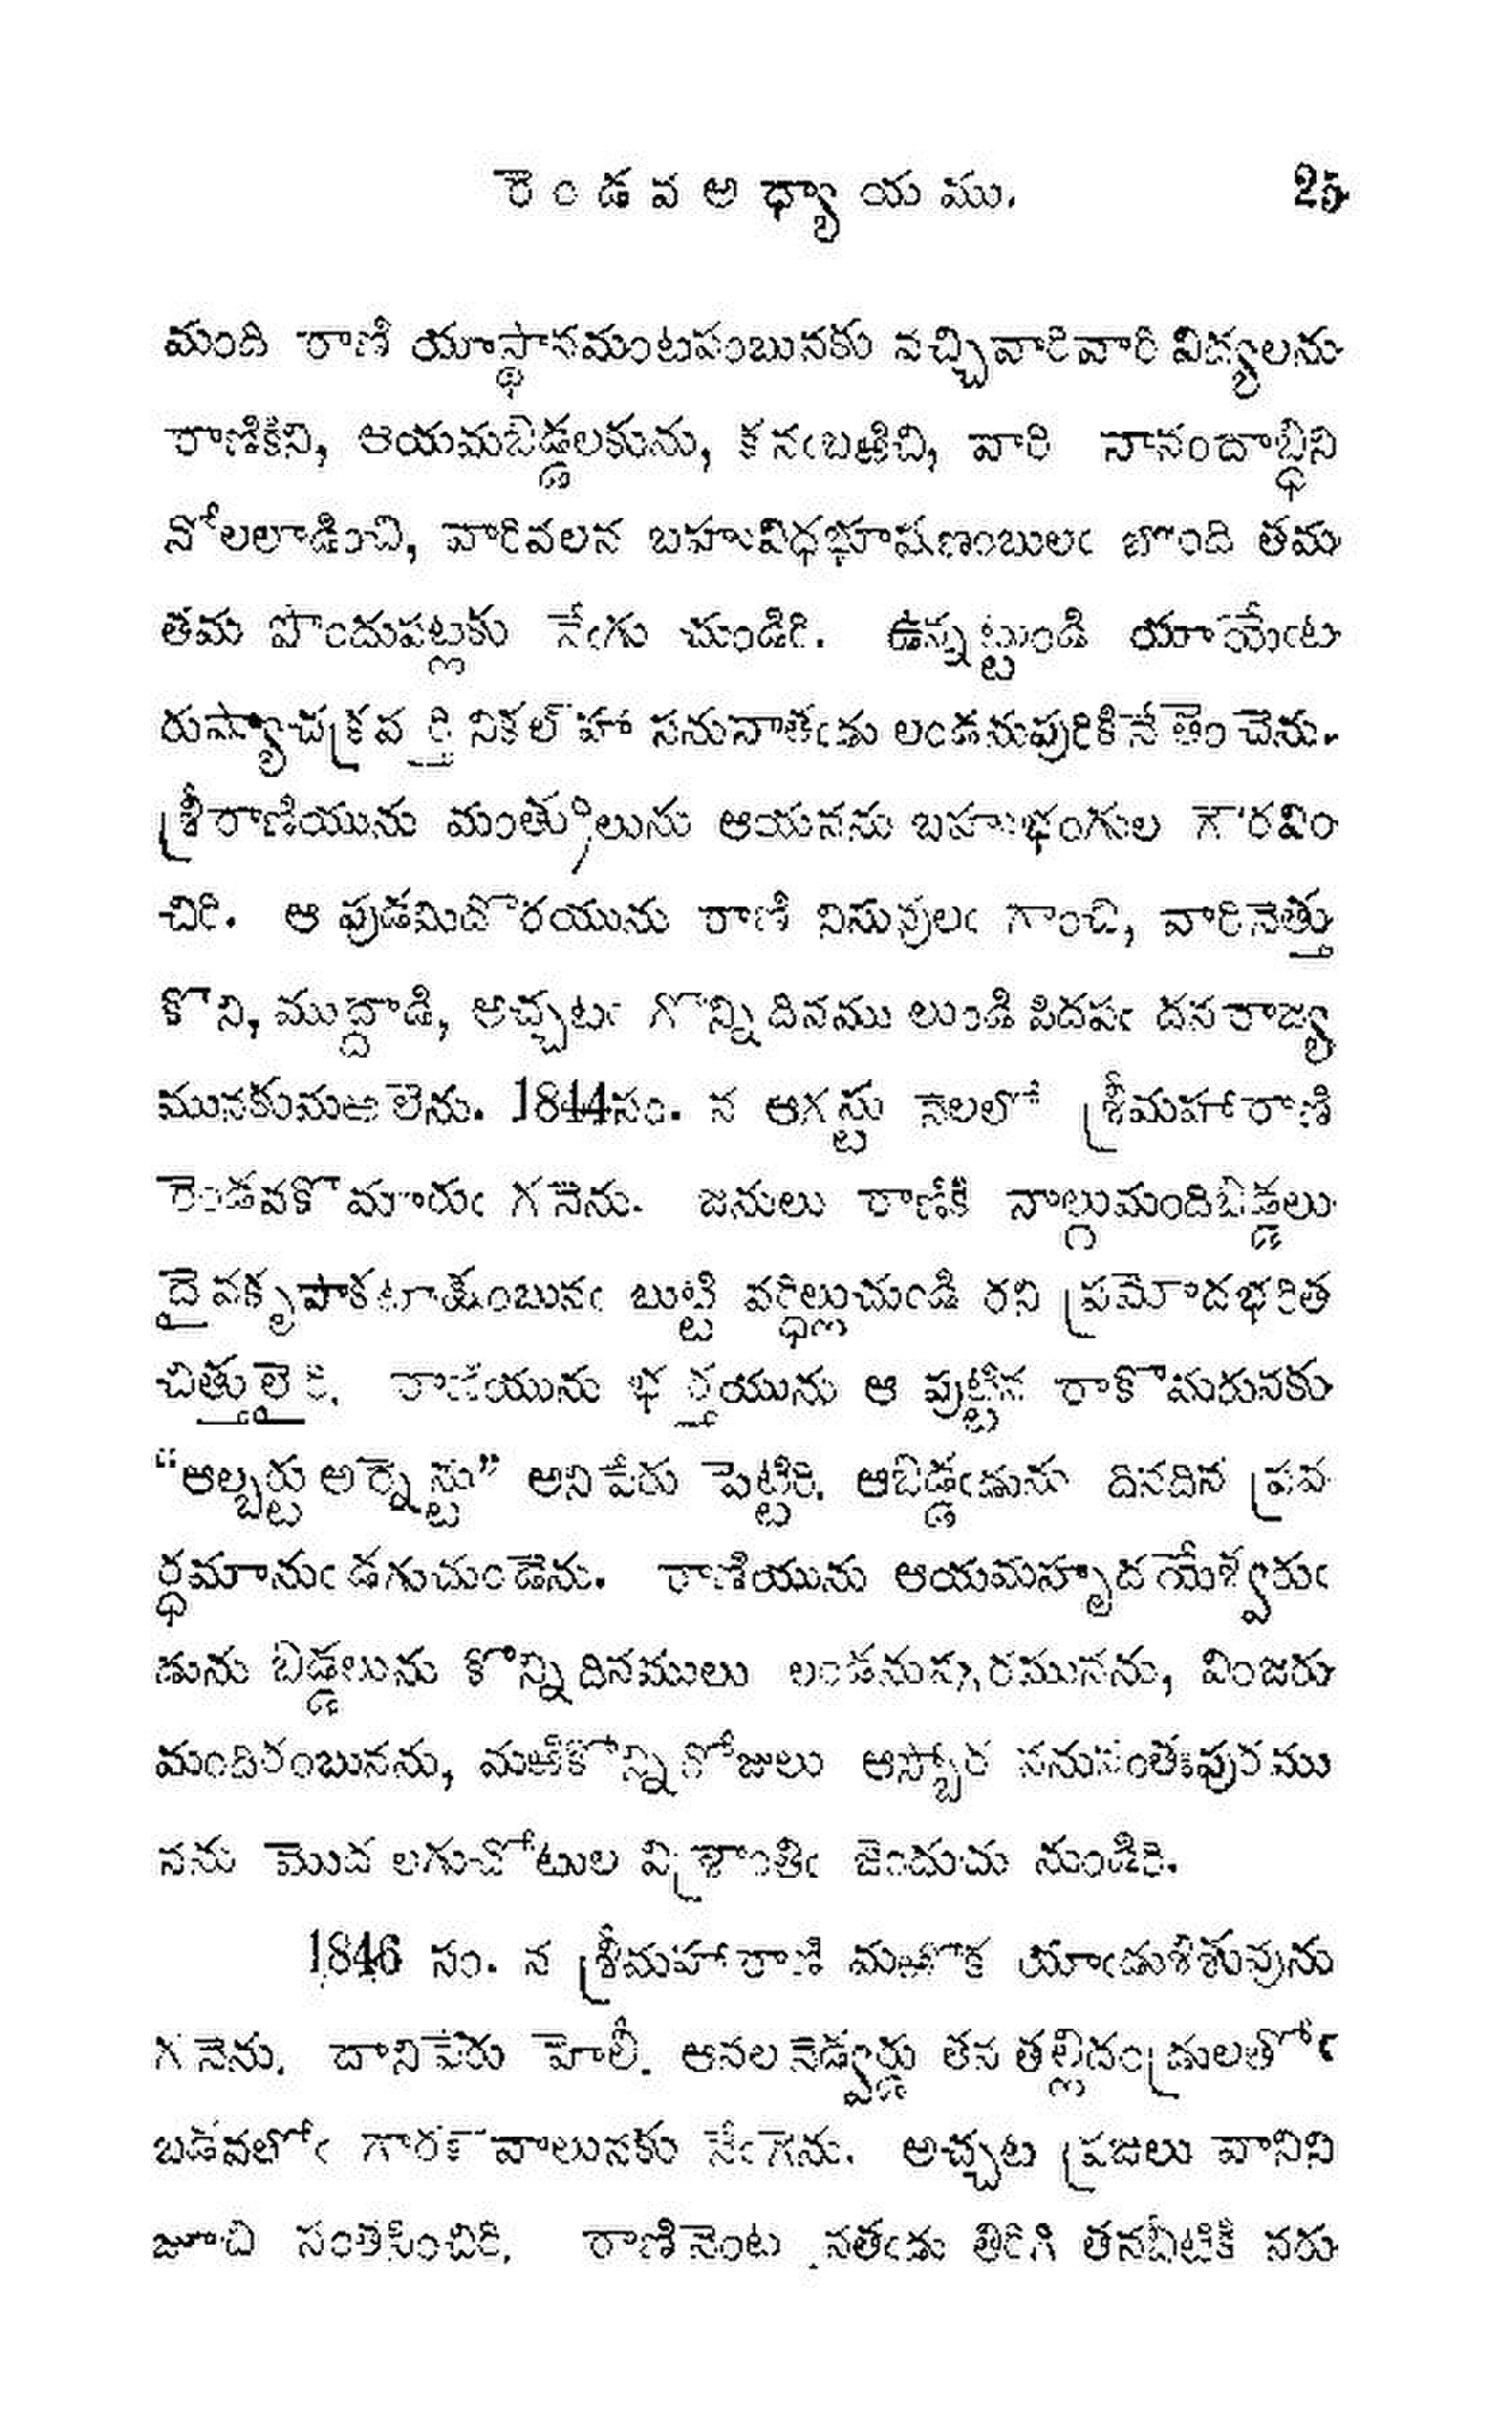మంది "రాణీ యాస్థానమంటపంబునకు వచ్చి వారి వారి విద్యలనురాణికిని, ఆయమబిడ్డలకును, కనఁబతిచి, వారినానం దాబ్ధిని నోలలాడించి, వారివలన బహువిధ భూషణంబులఁ బొంది తమ
తమ పొందుపట్లకు నేఁగు చుండిరి. ఉన్నట్టుండి యాయేఁట రుస్యా చక్రవ ర్తి నికల్ హా సనునాతఁడు లండనుపురికి నే తెం చెను. శ్రీ రాణీయును మంత్రులును ఆయనను బహుభంగుల గౌ'రం
చిరి. ఆ పుడమిదోరయును 'రాణి నిసువులఁ గాంచి, వారి నెత్తుకొని, ముద్దాడి, అచ్చట గొన్ని దినము లుండి పిదపఁ దన రాజ్యంమునకు మఱ లెను. 1844సం. న ఆగస్టు నెలలో శ్రీమహా రాణి
రెండవకొమరుఁ గనెను. జనులు రాణికి నాల్గుమంది బిడ్డలుదైవకృపాకటాక్షంబునఁ బుట్టి వర్ధిల్లుచుండి రని ప్రమోదభరిత చిత్తులై , కాయును భక్తయును ఆ పుట్టిన రాకొమురునకు
" ఆల్బర్టు అర్నెస్టు" అని పేరు పెట్టిరి. ఆబిడ్డఁడును దినదిన ప్రవర్ధమానుఁ డగుచుండెను. రాణియును ఆయమహృదయేశ్వరుఁడును బిడ్డలును కొన్ని దినములు లండనుసగరమునను, వింజరుమందిరంబునను, మఱి కొన్ని రోజులు ఆస్బోర నను అంత్ః పురము
నను మొద లగుచోటుల విశ్రాంతి జెందుచు నుండిరి
,
1846 సం. న శ్రీమహా రాణి మఱొక యాఁడు శిశువును గనెను. దాని పేరు హెలీ. అవల సెడ్వర్డు తన తల్లిదండ్రులతో బడవలోఁ గారన్ వాలునకు నే గెను. అచ్చట ప్రజలు వానిని జూచి సంతసించి, రాణివెంట నతఁడు తిరిగి తనవీటికీ నరు.